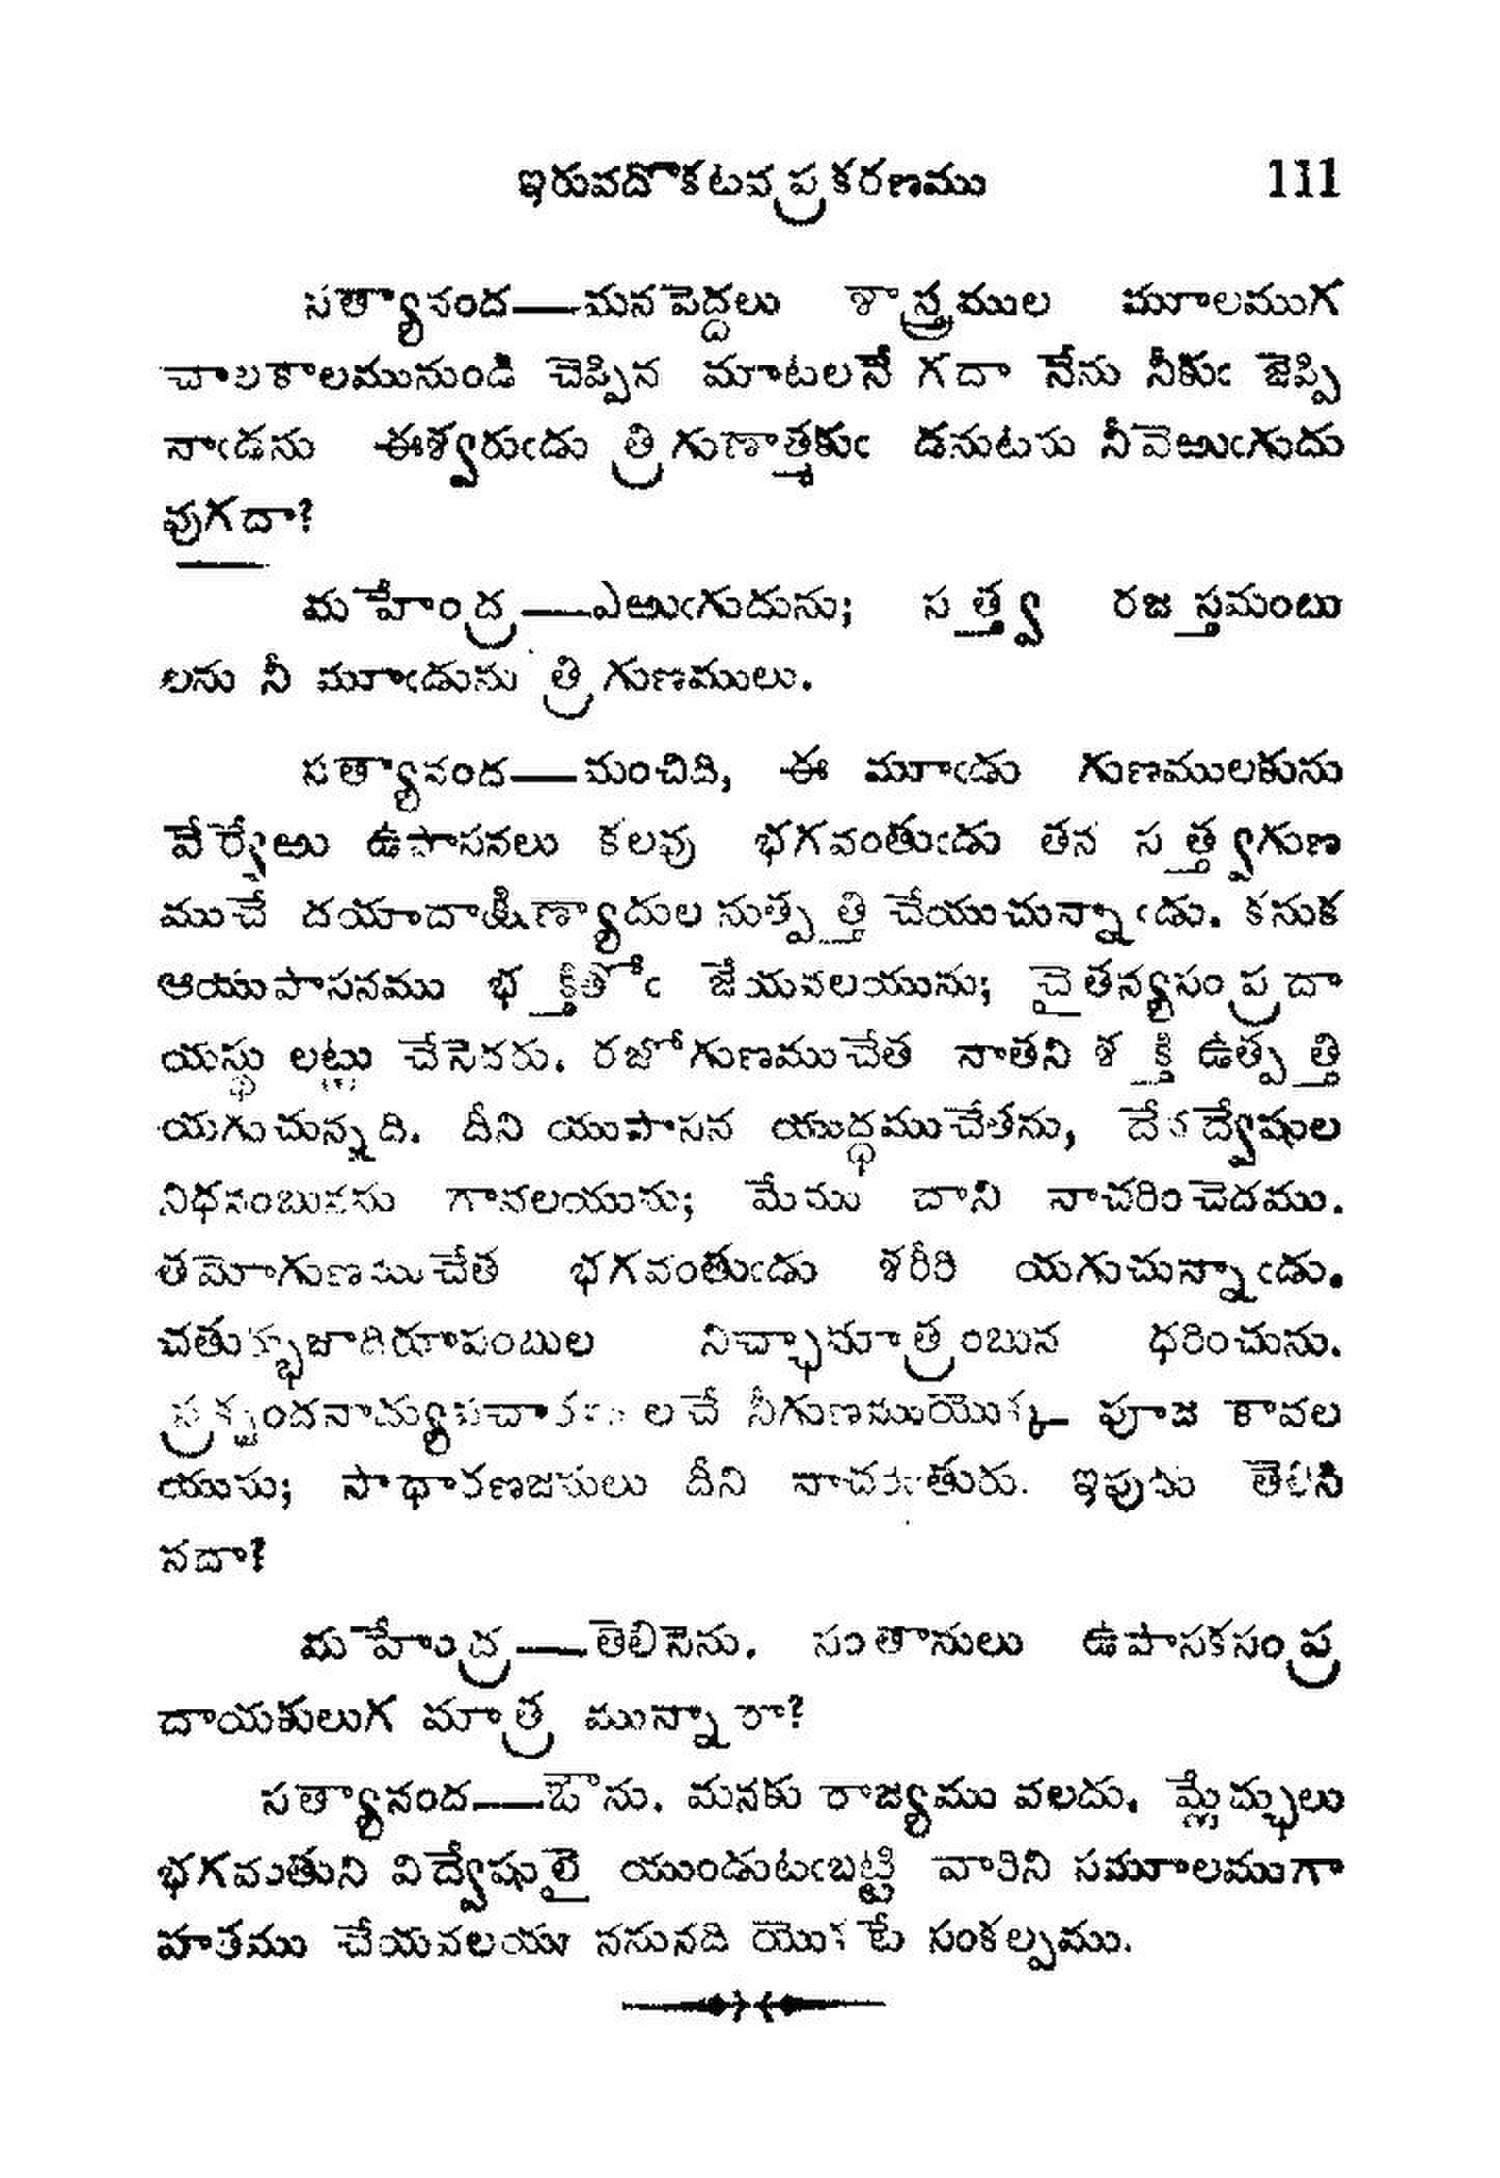సత్యానంద——మన పెద్దలు శాస్త్రముల మూలముగ చాలకాలమునుండి చెప్పిన మాటలనే గదా నేను నీకుఁ జెప్పినాఁడను ఈశ్వరుఁడు త్రిగుణాత్మకుఁ డనుటను నీ వెఱుఁగుదువుగదా?

మహేంద్ర——ఎఱుఁగుదును; సత్త్వ రజస్తమంబులను నీ మూఁడును త్రిగుణములు.

సత్యానంద——మంచిది, ఈ మూఁడు గుణములకును వేర్వేఱు ఉపాసనలు కలవు భగవంతుఁడు తన సత్త్వగుణముచే దయాదాక్షిణ్యాదుల నుత్పత్తి చేయుచున్నాఁడు. కనుక ఆయు పాసనము భక్తితోఁ జేయవలయును; చైతన్యసంప్రదాయస్థు లట్లు చేసెదరు. రజోగుణము చేత నాతని శక్తి ఉత్పత్తి యగుచున్నది. దీని యుపాసన యుద్ధము చేతను, దేశ ద్వేషుల
నిధనంబునను గావలయును; మేము దాని నాచరించెదము. తమోగుణము చేత భగవంతుఁడు శరీరి యగుచున్నాఁడు.
చతుర్భుజాది రూపంబుల నిచ్ఛామాత్రంబున ధరించును. ప్రక్బందనాద్యుపచారములచే నీగుణము యొక్క పూజ కావలయును; సాధారణజనులు దీని నాచరింతురు. ఇపుడు తెలిసి నదా?

మహేంద్ర—— తెలిసెను. సంతానులు ఉపాసక సంప్రదాయకులుగ మాత్ర మున్నారా?

సత్యానంద——ఔను, మనకు రాజ్యము వలదు. మ్లేచ్ఛులు భగవంతుని విద్వేషులై యుండుటఁబట్టి వారిని సమూలముగా
హతము చేయవలయు ననునది యొకటే సంకల్పము.